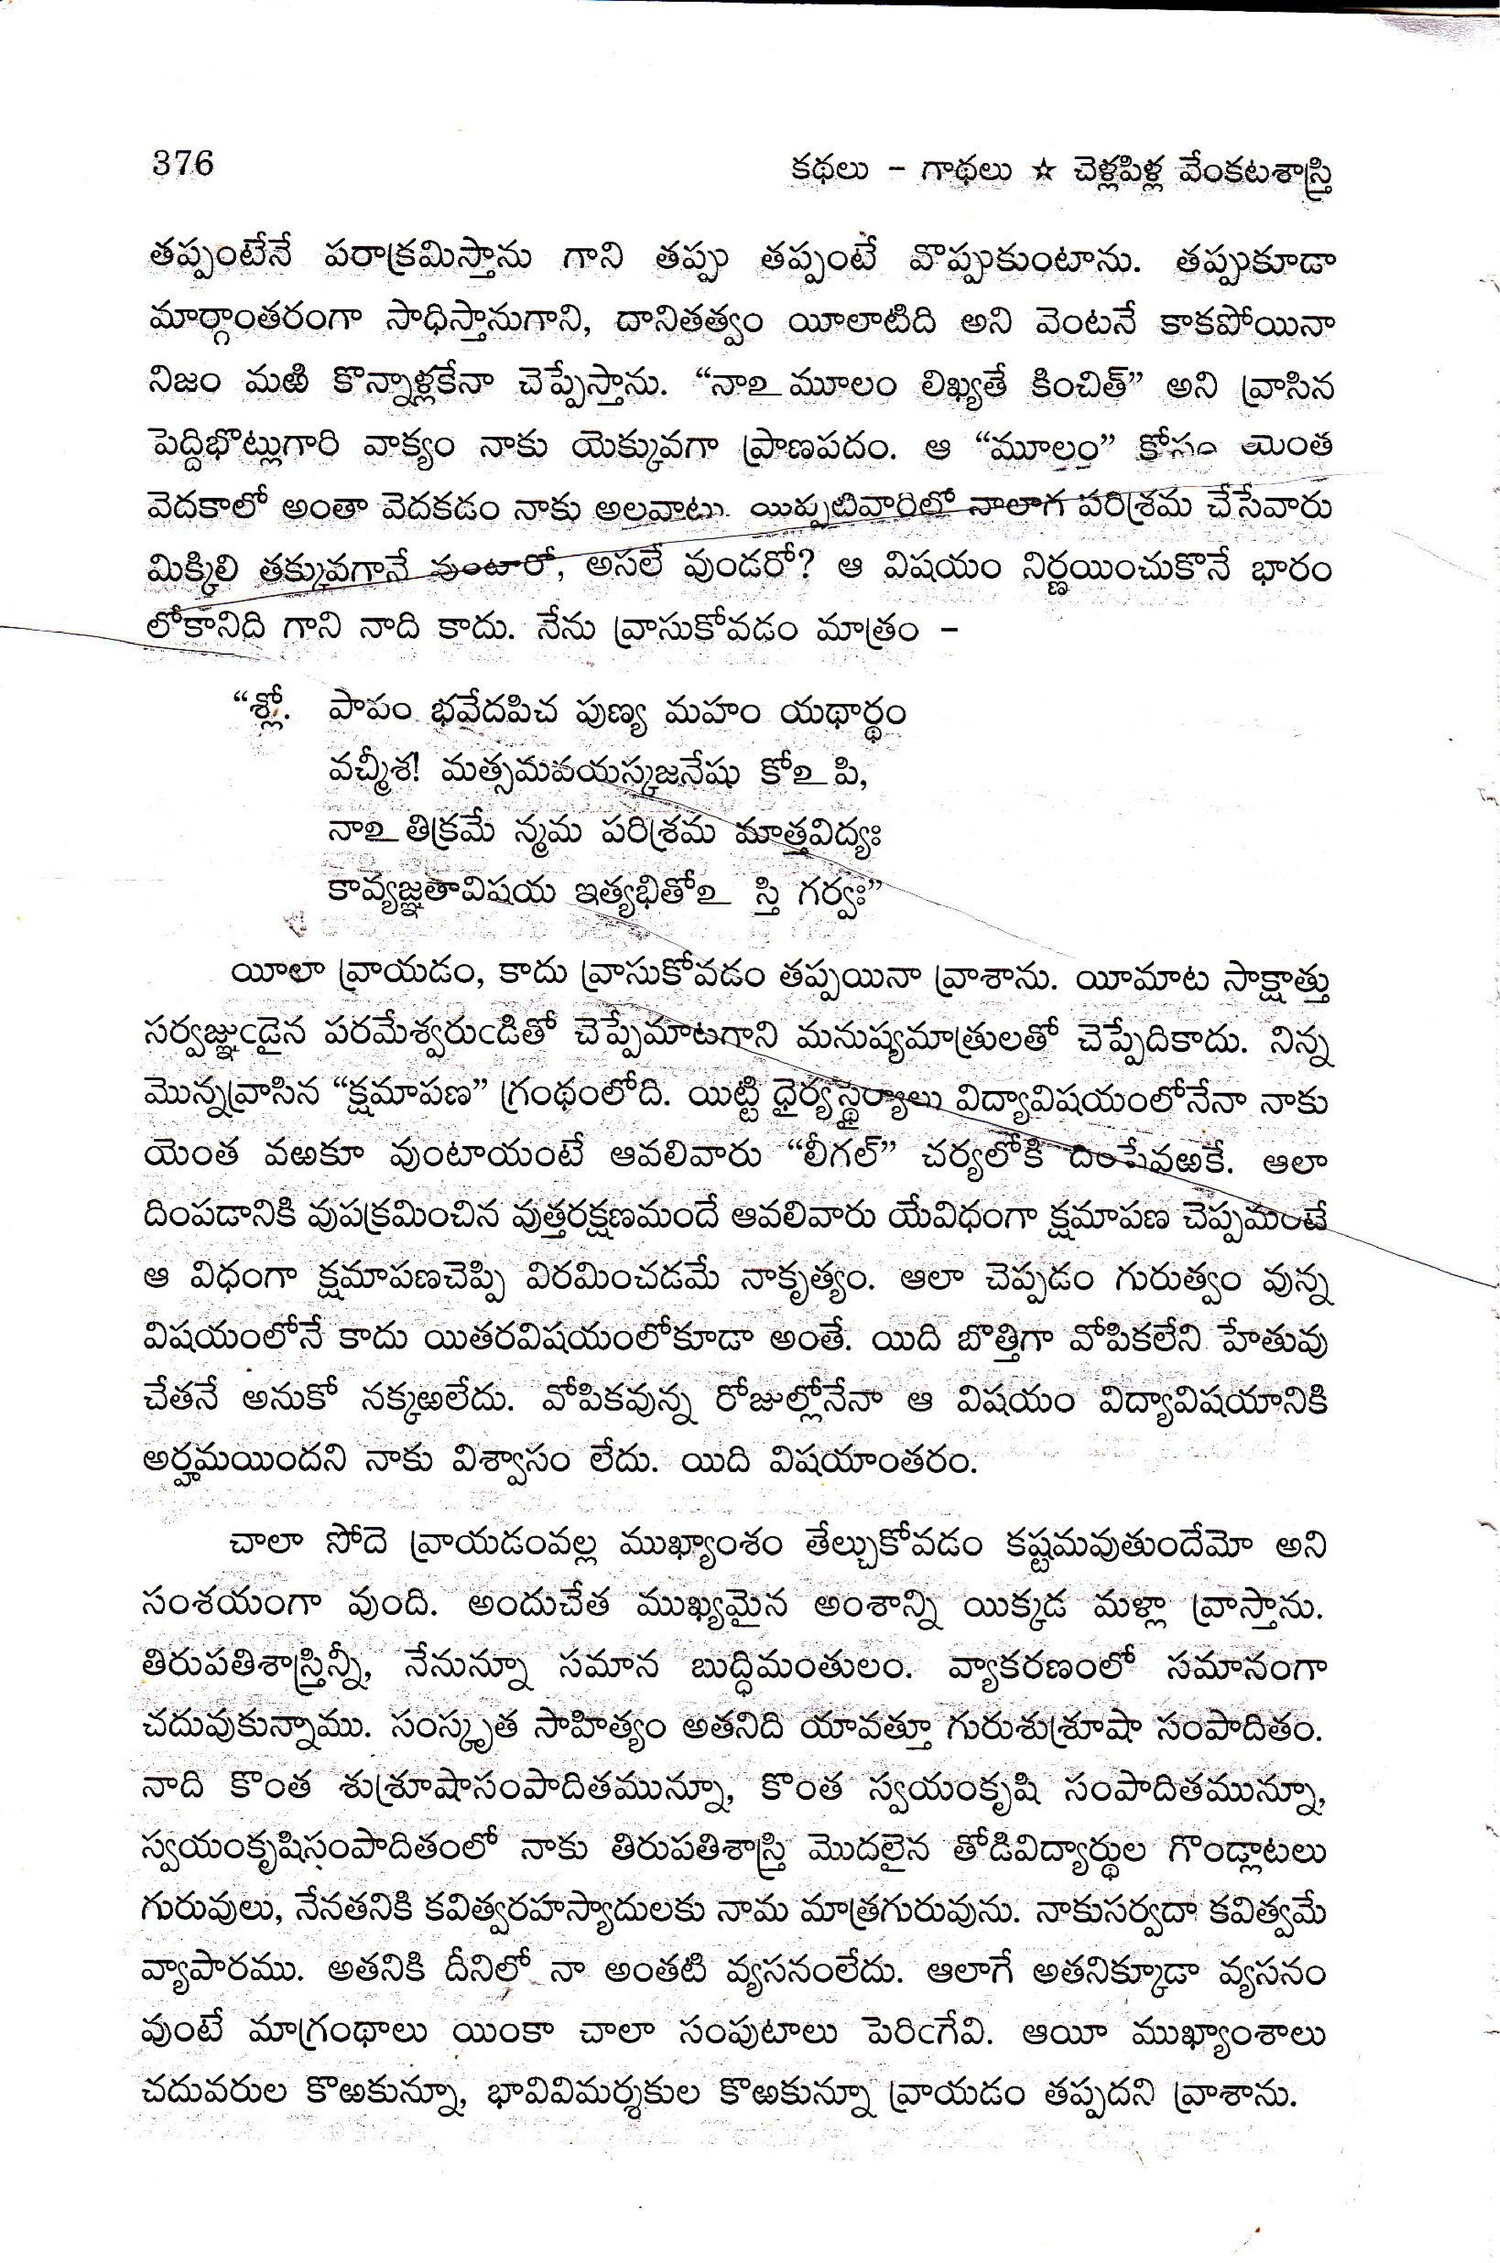తప్పంటేనే పరాక్రమిస్తాను గాని తప్పు తప్పంటే వొప్పుకుంటాను. తప్పుకూడా మార్గాంతరంగా సాధిస్తానుగాని, దానితత్వం యీలాటిది అని వెంటనే కాకపోయినా నిజం మఱి కొన్నాళ్లకేనా చెప్పేస్తాను. "నా౽మూలం లిఖ్యతే కించిత్” అని వ్రాసిన పెద్దిభొట్లుగారి వాక్యం నాకు యెక్కువగా ప్రాణపదం. ఆ "మూలం" కోసం యెంత వెదకాలో అంతా వెదకడం నాకు అలవాటు. యిప్పటివారిలో నాలాగ పరిశ్రమ చేసేవారు మిక్కిలి తక్కువగానే వుంటారో, అసలే వుండరో? ఆ విషయం నిర్ణయించుకొనే భారం లోకానిది గాని నాది కాదు. నేను వ్రాసుకోవడం మాత్రం - -

“శ్లో. పాపం భవేదపిచ పుణ్య మహం యథార్థం
 వచ్మీశ! మత్సమవయస్కజనేషు కో౽-పి, 
 నా౽ తిక్రమే న్మమ పరిశ్రమ మాత్తవిద్యః 
 కావ్యజ్ఞతావిషయ ఇత్యభితో౽ స్తి గర్వః"
యీలా వ్రాయడం, కాదు వ్రాసుకోవడం తప్పయినా వ్రాశాను. యీమాట సాక్షాత్తు సర్వజ్ఞుఁడైన పరమేశ్వరుఁడితో చెప్పేమాటగాని మనుష్యమాత్రులతో చెప్పేదికాదు. నిన్న మొన్నవ్రాసిన "క్షమాపణ" గ్రంథంలోది. యిట్టి ధైర్యస్థైర్యాలు విద్యావిషయంలోనేనా నాకు యెంత వఱకూ వుంటాయంటే ఆవలివారు "లీగల్" చర్యలోకి దింషేవఱకే. ఆలా దింపడానికి వుపక్రమించిన వుత్తరక్షణమందే ఆవలివారు యేవిధంగా క్షమాపణ చెప్పమంటే ఆ విధంగా క్షమాపణచెప్పి విరమించడమే నాకృత్యం. ఆలా చెప్పడం గురుత్వం వున్న విషయంలోనే కాదు యితరవిషయంలోకూడా అంతే. యిది బొత్తిగా వోపికలేని హేతువు చేతనే అనుకో నక్కఱలేదు. వోపికవున్న రోజుల్లోనేనా ఆ విషయం విద్యావిషయానికి అర్హమయిందని నాకు విశ్వాసం లేదు. యిది విషయాంతరం.

చాలా సోదె వ్రాయడంవల్ల ముఖ్యాంశం తేల్చుకోవడం కష్టమవుతుందేమో అని సంశయంగా వుంది. అందుచేత ముఖ్యమైన అంశాన్ని యిక్కడ మళ్లా వ్రాస్తాను. తిరుపతిశాస్త్రిన్నీ నేనున్నూ సమాన బుద్ధిమంతులం. వ్యాకరణంలో సమానంగా చదువుకున్నాము. సంస్కృత సాహిత్యం అతనిది యావత్తూ గురుశుశ్రూషా సంపాదితం. నాది కొంత శుశ్రూషాసంపాదితమున్నూ, కొంత స్వయంకృషి సంపాదితమున్నూ, స్వయంకృషిసంపాదితంలో నాకు తిరుపతిశాస్త్రి మొదలైన తోడివిద్యార్థుల గొండ్లాటలు గురువులు, నేనతనికి కవిత్వరహస్యాదులకు నామ మాత్రగురువును. నాకుసర్వదా కవిత్వమే వ్యాపారము. అతనికి దీనిలో నా అంతటి వ్యసనంలేదు. ఆలాగే అతనికూడా వ్యసనం వుంటే మాగ్రంథాలు యింకా చాలా సంపుటాలు పెరిఁగేవి. ఆయీ ముఖ్యాంశాలు చదువరుల కొఱకున్నూ, భావివిమర్శకుల కొఱకున్నూ వ్రాయడం తప్పదని వ్రాశాను.